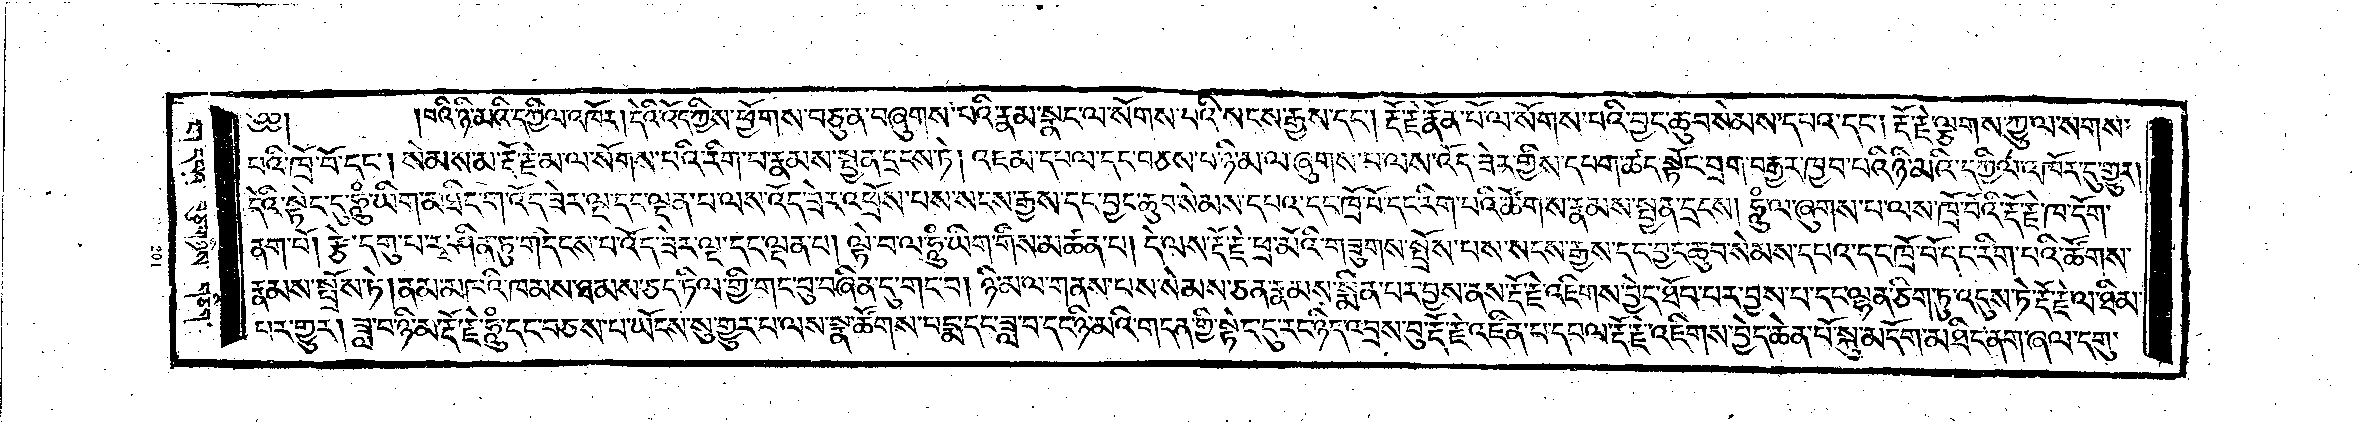༄༅། །བའི་ཉི་མའི་དཀྱིལ་འཁོར། དེའི་འོད་ཀྱིས་ཕྱོགས་བཅུ་ན་བཞུགས་བའི་རྣམ་སྣང་ལ་སོགས་པའི་སངས་རྒྱས་དང་། རྡོ་རྗེ་རྣོན་པོ་ལ་སོགས་པའི་བྱང་ཆུབ་སེམས་དཔའ་དང་། རྡོ་རྗེ་ལྕགས་ཀྱུ་ལ་སགས་
པའི་ཁྲོ་བོ་དང་། སེམས་མ་རྡོ་རྗེ་མ་ལ་སོགས་པའི་རིག་པ་རྣམས་སྤྱན་དྲངས་ཏེ། འཇམ་དཔལ་དང་བཅས་པ་ཉི་མ་ལ་ཞུགས་པ་ལས་འོད་ཟེར་གྱིས་དཔག་ཚད་སྟོང་བྲག་བརྒྱར་ཁྱབ་པའི་ཉི་མའི་དཀྱིལ་འཁོར་དུ་གྱུར།
དེའི་སྟེང་དུ་ཧཱུཾ་ཡིག་མཐིང་ག་འོད་ཟེར་ལྔ་དང་ལྡན་པ་ལས་འོད་ཟེར་འཕྲོས་པས་སངས་རྒྱས་དང་བྱང་ཆུབ་སེམས་དཔའ་དང་ཁྲོ་བོ་དང་རིག་པའི་ཚོགས་རྣམས་སྤྱན་དྲངས། ཧཱུཾ་ལ་ཞུགས་པ་ལས་ཁྲོ་བོའི་རྡོ་རྗེ་ཁ་དོག་
ནག་པོ། རྩེ་དགུ་པ་རྭ་ཤིན་ཏུ་གདེངས་པ་འོད་ཟེར་ལྔ་དང་ལྡན་པ། ལྟེ་བ་ལ་ཧཱུཾ་ཡིག་གིས་མཚན་པ། དེ་ལས་རྡོ་རྗེ་ཕྲ་མོའི་གཟུགས་སྤྲོས་པས་སངས་རྒྱས་དང་བྱང་ཆུབ་སེམས་དཔའ་དང་ཁྲོ་བོ་དང་རིག་པའི་ཚོགས་
རྣམས་སྤྲོས་ཏེ། ནམ་མཁའི་ཁམས་ཐམས་ཅད་ཏིལ་གྱི་གང་བུ་བཞིན་དུ་གང་བ། ཉི་མ་ལ་གནས་པས་སེམས་ཅན་རྣམས་སྨིན་པར་བྱས་ནས་རྡོ་རྗེ་འཇིགས་བྱེད་ཐོབ་པར་བྱས་པ་དང་ལྷན་ཅིག་ཏུ་འདུས་ཏེ་རྡོ་རྗེ་ལ་ཐིམ་
པར་གྱུར། ཟླ་བ་ཉི་མ་རྡོ་རྗེ་ཧཱུཾ་དང་བཅས་པ་ཡོངས་སུ་གྱུར་པ་ལས་སྣ་ཚོགས་པདམ་དང་ཟླ་བ་དང་ཉི་མའི་གདན་གྱི་སྟེང་དུ་རང་ཉིད་འབྲས་བུ་རྡོ་རྗེ་འཛིན་པ་དཔལ་རྡོ་རྗེ་འཇིགས་བྱེད་ཆེན་པོ་སྐུ་མདོག་མཐིང་ནག་ཞལ་དགུ་